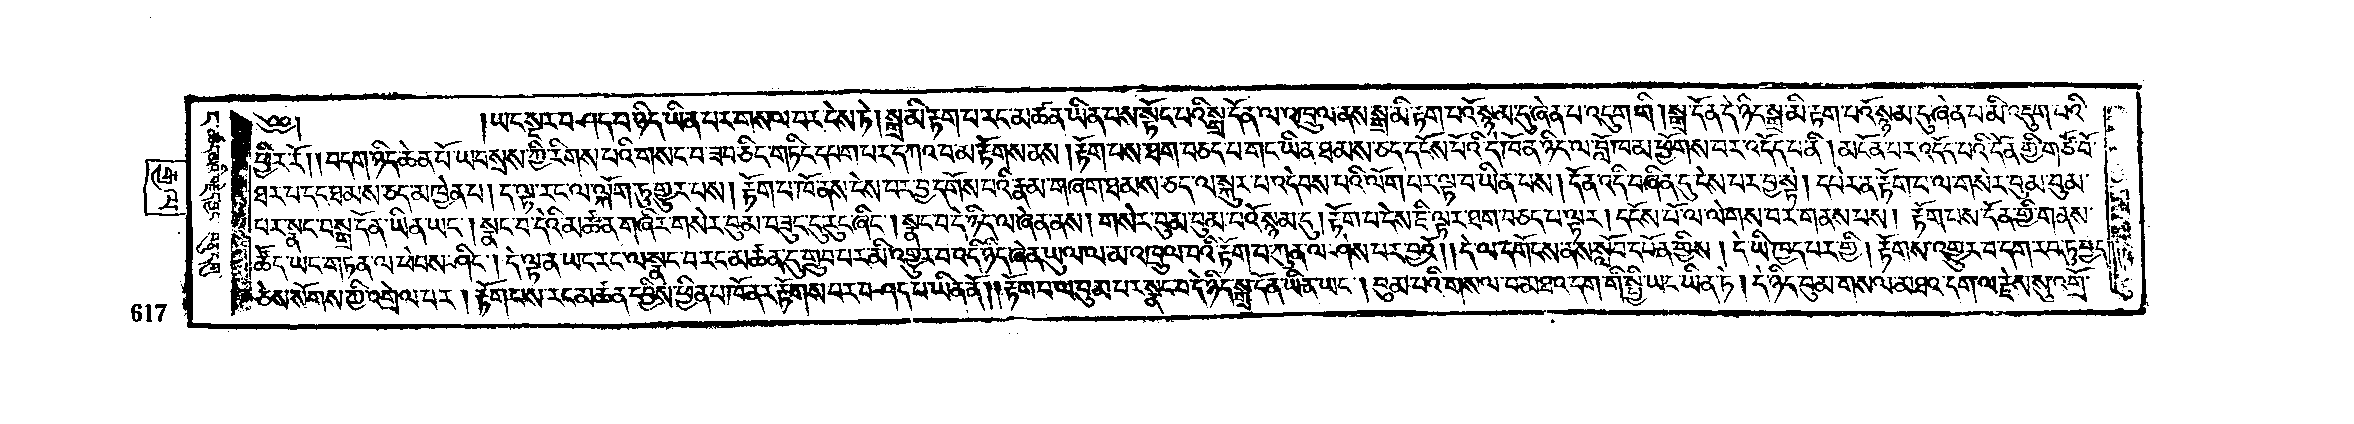༄༅། །ཡང་སྔར་བཤད་པ་ཉིད་ཡིན་པར་གསལ་བར་ངེས་ཏེ། སྒྲ་མི་རྟག་པ་རང་མཚན་ཡིན་པས་སྟོང་པའི་སྒྲ་དོན་ལ་འཁྲུལ་ནས་སྒྲ་ཨི་རྟག་པའོ་སྙམ་དུ་ཞེན་པ་འདུག་གི །སྒྲ་དོན་དེ་ཉིད་སྒྲ་མི་རྟག་པའོ་སྙམ་དུ་ཞེན་པ་མི་འདུག་པའི་
ཕྱིར་རོ། །བདག་ཉིད་ཆེན་པོ་ཡབ་སྲས་ཀྱི་རིགས་པའི་གསང་བ་ཟབ་ཅིང་གཏིང་དཔག་པར་དཀའ་བ་མ་རྟོགས་ནས། རྟོག་པས་ཐག་བཅད་པ་གང་ཡིན་ཐམས་ཅད་དངོས་པོའི་དེ་ཁན་ཉིད་ལ་བློ་ཁ་མ་ཕྱོགས་བར་འདོད་པ་ནི། མངོན་པར་དོད་པའི་དོན་གྱི་གཙོ་བོ་
ཐར་པ་དང་ཐམས་ཅད་མཁྱེན་པ། ད་ལྟ་རང་ལ་ལྐོག་ཏུ་གྱུར་པས། རྟོག་པ་ཁོ་ནས་ངེས་པར་བྱ་དགོས་པའི་རྣམ་གཞག་ཐམས་ཅད་ལ་སྐུར་པ་འདེབས་པའི་ལོག་པར་ལྟ་བ་ཡིན་པས། དོན་འདི་བཞིན་དུ་ངེས་པར་བྱ་སྟེ། དཔེར་ན་རྟོག་པ་ལ་གསེར་བུམ་བུམ་
པར་སྣང་བསྒྲ་དོན་ཡིན་ཡང་། སྣང་བ་དེའི་མཚན་གཞིར་གསེར་བུམ་བཟུང་དུ་རུང་ཟིང་། སྣང་བ་དེ་ཉིད་ལ་ཞེན་ནས་གསེར་བུམ་བུམ་པའོ་སྙམ་དུ། རྟོག་པ་དེས་ཇི་ལྟར་ཐག་བཅད་པ་ལྟར། དངོས་པོ་ལ་ལེགས་པར་གནས་པས། རྟོག་པས་དོན་གྱི་གནས་
ཚོད་ཡང་གཏན་ལ་ཕེབས་ཤིང་། དེ་ལྟ་ན་ཡང་རང་ལ་སྣང་བ་རང་མཚན་དུ་གྲུབ་པར་མི་འགྱུར་བ་འདི་ཉིད་ཞེན་ཡུལ་ལ་མ་འཁྲུལ་བའི་རྟོག་པ་ཀུན་ལ་ཤེས་པར་བྱའོ། །དེ་ལ་དགོངས་ནས་སློབ་དཔོན་གྱིས། དེ་ཡི་ཁྱད་པར་གྱི། རྟོགས་འགྱུར་བ་དག་རབ་ཏུ་བྱད་
ཅེས་སོགས་ཀྱི་འགྲེལ་པར། རྟོག་པས་རང་མཚན་དབྱིས་ཕྱིན་པ་ཁོ་ནར་རྟོགས་པར་བཤད་པ་ཡིན་ནོ། །རྟོག་པ་ལ་བུམ་པར་སྣང་བ་དེ་ཉིད་སྒྲ་དོན་ཡིན་ཡང་། བུམ་པའི་གསལ་བ་མཐའ་དག་གི་སྤྱི་ཡང་ཡིན་ཏེ། དེ་ཉིད་བུམ་གསལ་མཐའ་དག་ལ་རྗེས་སུ་འགྲོ་